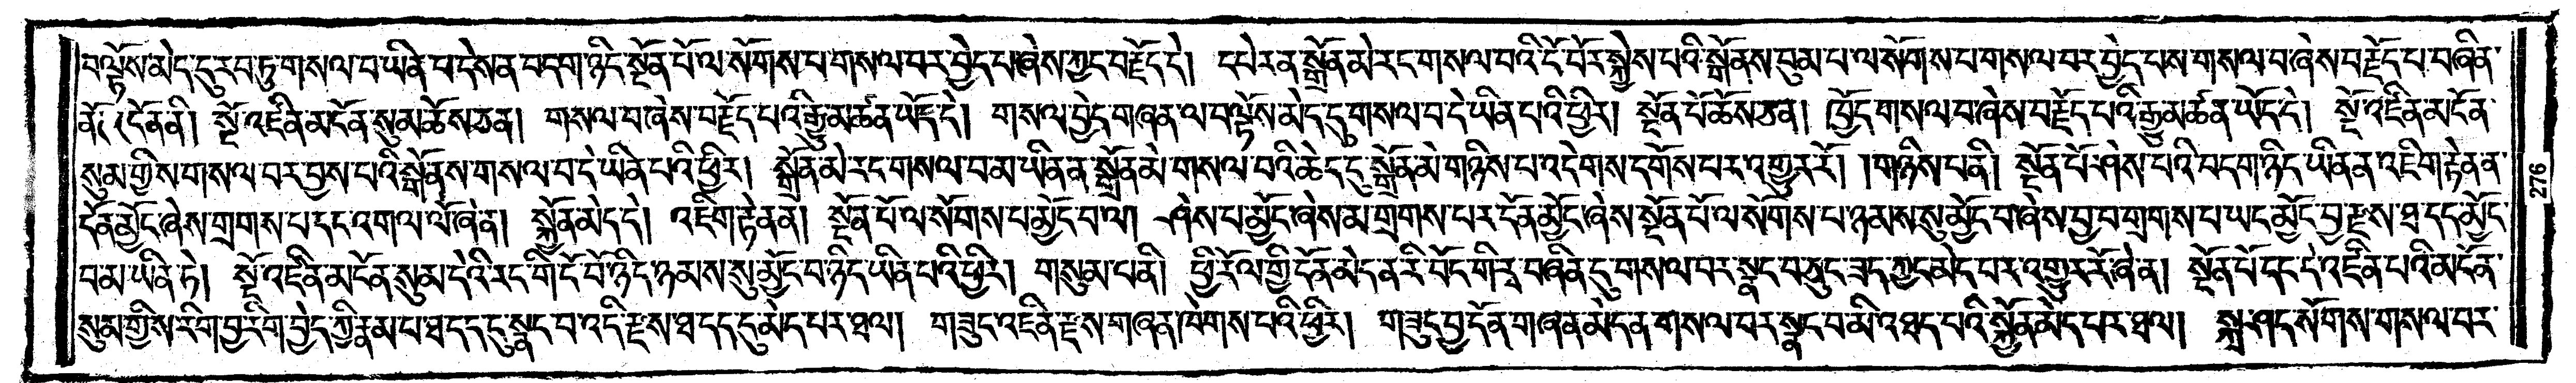བལྟོས་མེད་དུ་རབ་ཏུ་གསལ་བ་ཡིན་པ་དེས་ན་བདག་ཉིད་སྔོན་པོ་ལ་སོགས་པ་གསལ་བར་བྱེད་པ་ཞེས་ཀྱང་བརྗོད་དེ། དཔེར་ན་སྒྲོན་མེ་རང་གསལ་བའི་ངོ་བོར་སྐྱེས་པའི་སྒོ་ནས་བུམ་པ་ལ་སོགས་པ་གསལ་བར་བྱེད་པས་གསལ་བ་ཞེས་བརྗོད་པ་བཞིན་
ནོ། །དོན་ནི། སྔོ་འཛིན་མངོན་སུམ་ཆོས་ཅན། གསལ་བ་ཞེས་བརྗོད་པའི་རྒྱུ་མཚན་ཡོད་དེ། གསལ་བྱེད་གཞན་ལ་བལྟོས་མེད་དུ་གསལ་བ་དེ་ཡིན་པའི་ཕྱིར། སྔོན་པོ་ཆོས་ཅན། ཁྱོད་གསལ་བ་ཞེས་བརྗོད་པའི་རྒྱུ་མཚན་ཡོད་དེ། སྔོ་འཛིན་མངོན་
སུམ་གྱིས་གསལ་བར་བྱས་པའི་སྒོ་ནས་གསལ་བ་དེ་ཡིན་པའི་ཕྱིར། སྒྲོན་མེ་རང་གསལ་བ་མ་ཡིན་ན་སྒྲོན་མེ་གསལ་བའི་ཆེད་དུ་སྒྲོན་མེ་གཉིས་པ་འདེགས་དགོས་པར་འགྱུར་རོ། །གཉིས་པ་ནི། སྔོན་པོ་ཤེས་པའི་བདག་ཉིད་ཡིན་ན་འཇིག་རྟེན་ན་
དོན་མྱོང་ཞེས་གྲགས་པ་དང་འགལ་ལོ་ཞེ་ན། སྐྱོན་མེད་དེ། འཇིག་རྟེན་ན། སྔོན་པོ་ལ་སོགས་པ་མྱོང་བ་ལ། ཤེས་པ་མྱོང་ཞེས་མ་གྲགས་པར་དོན་མྱོང་ཞེས་སྔོན་པོ་ལ་སོགས་པ་ཉམས་སུ་མྱོང་བ་ཞེས་བྱ་བ་གྲགས་པ་ཡང་མྱོང་བྱ་རྫས་ཐ་དད་མྱོང་
བ་མ་ཡིན་ཏེ། སྔོ་འཛིན་མངོན་སུམ་དེའི་རང་གི་ངོ་བོ་ཉིད་ཉམས་སུ་མྱོང་བ་ཉིད་ཡིན་པའི་ཕྱིར། གསུམ་པ་ནི། ཕྱི་རོལ་གྱི་དོན་མེད་ན་རི་བོང་གི་རྭ་བཞིན་དུ་གསལ་བར་སྣང་བ་ཅུང་ཟད་ཀྱང་མེད་པར་འགྱུར་རོ་ཞེ་ན། སྔོན་པོ་དང་དེ་འཛིན་པའི་མངོན་
སུམ་གྱིས་རིག་བྱ་རིག་བྱེད་ཀྱི་རྣམ་པ་ཐ་དད་དུ་སྣང་བ་འདི་རྫས་ཐ་དད་དུ་མེད་པར་ཐལ། གཟུང་འཛིན་རྫས་གཞན་ཁེགས་པའི་ཕྱིར། གཟུང་བྱ་དོན་གཞན་མེད་ན་གསལ་བར་སྣང་བ་མི་འཐད་པའི་སྐྱོན་མེད་པར་ཐལ། སྐྲ་ཤད་སོགས་གསལ་བར་